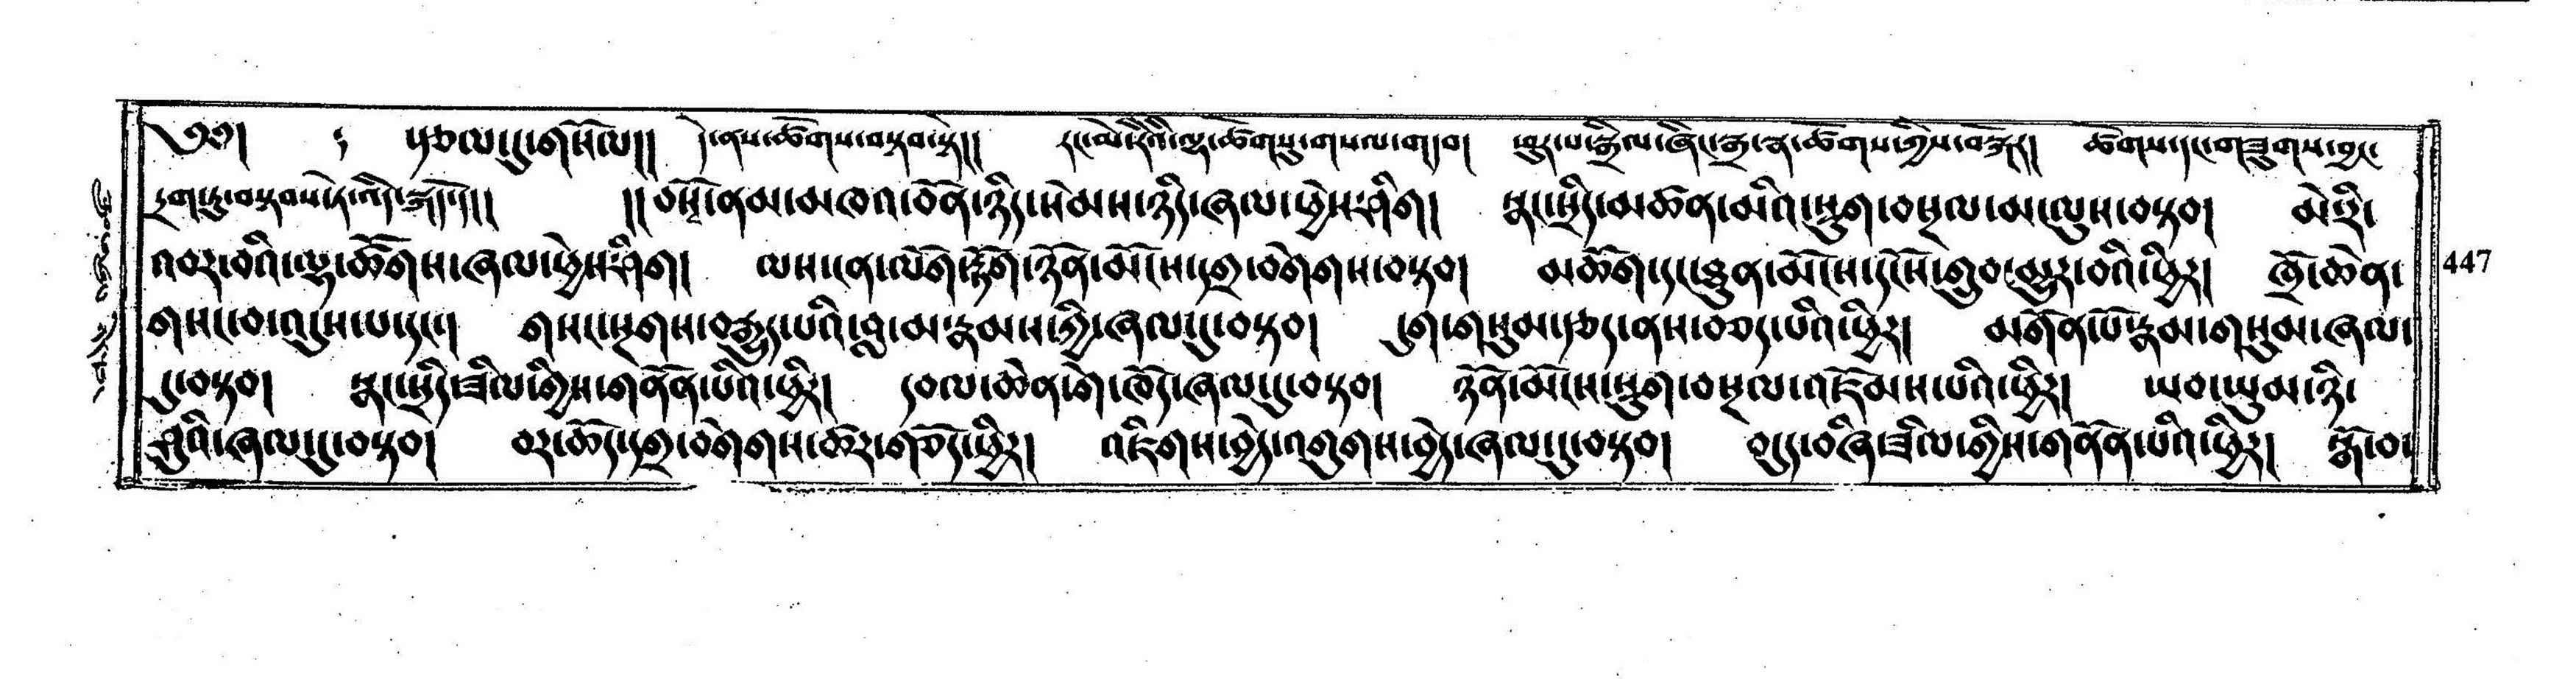སྩལ་དུ་གསོལ།། དེ་ནས་ཚོགས་བསྟབ་སྟེ།། རང་མེ་རིའི་ལྷ་ཚོགས་སུ་གསལ་གདབ། ཕུར་པ་སྒྲིལ་ཞིང་སྒྲ་སྣ་ཚོགས་ཀྱིས་བསྐོར། ཚོགས་དང་གཟུགས་བྱང་
དྲག་ཏུ་བསྟབས་ཏེ་འདི་སྐད་དོ།། །།བསྭོ་ནམ་མཁའ་བོན་ཉིད་སེམས་ཉིད་ཞལ་ཕྱེས་ཤིག །སྣང་སྲིད་མཚན་མའི་སྡུག་བསྔལ་མ་ལུས་བསྟབ། མེ་རི་
འབར་བའི་ལྷ་ཚོགས་ཞལ་ཕྱེས་{460}ཤིག །ལས་ངན་ལོག་རྟོག་ཉོན་མོངས་དགྲ་བགེགས་བསྟབ། མཆོག་དང་ཐུན་མོངས་དངོས་གྲུབ་མྱུར་བའི་ཕྱིར། ཁྲོ་ཆེན་
གསང་བ་འདུས་པ་དང་། གསང་སྔགས་བརྒྱུད་པའི་བླ་མ་རྣམས་ཀྱི་ཞལ་དུ་བསྟབ། དུག་གསུམ་རྩད་ནས་བཅད་པའི་ཕྱིར། མགོན་པོ་རྣམ་གསུམ་ཞལ་
དུ་བསྟབ། སྣང་སྲིད་ཟིལ་གྱིས་གནོན་པའི་ཕྱིར། དབལ་ཆེན་གེ་ཁོད་ཞལ་དུ་བསྟབ། ཉོན་མོངས་སྡུག་བསྔལ་འཇོམས་པའི་ཕྱིར། ཡབ་ཡུམ་ཉི་
ཤུའི་ཞལ་དུ་བསྟབ། བར་ཆོད་དགྲ་བགེགས་ཚར་གཅོད་ཕྱིར། འཇིགས་བྱེད་འགུགས་བྱེད་ཞལ་དུ་བསྟབ། བདུད་བཞི་ཟིལ་གྱིས་གནོན་པའི་ཕྱིར། སྒོ་བ་